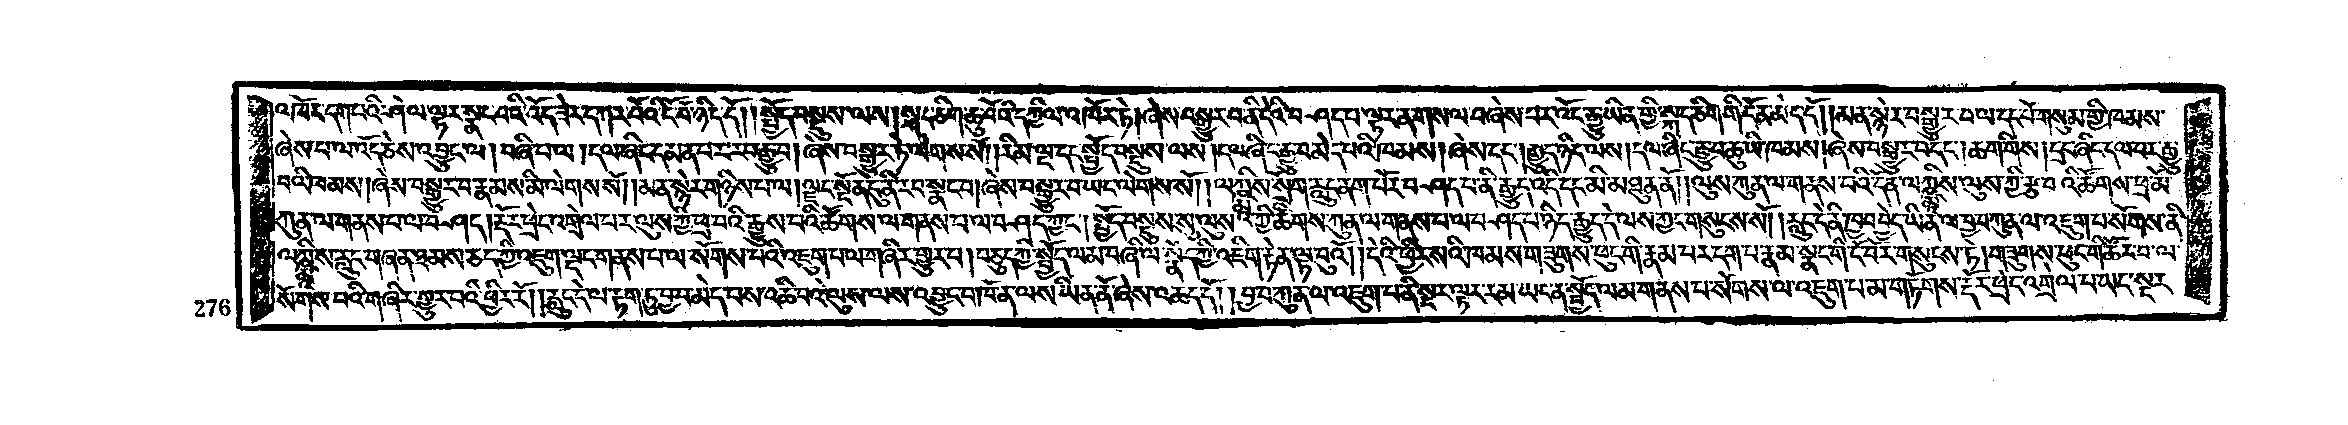འཁོར་དག་པའི་ཤེལ་ལྟར་སྣང་བའི་འོད་ཟེར་དཀར་པོའི་ངོ་བོ་ཉིད་དོ། །སྤྱོད་བསྡུས་ལས། སྐད་ཅིག་ཆུ་བོའི་དཀྱིལ་འཁོར་ཏེ། ཞེས་བསྒྱུར་བ་ནི་དེའི་བཤད་པ་ལྟར་ན་གསལ་བ་ཞེས་པར་འོང་རྒྱུ་ཡིན་གྱི་སྐད་ཅིག་གི་དོན་མེད་དོ། །མན་སྙེར་བསྒྱུར་བ་ལ་དང་པོ་གསུམ་གྱི་ཁམས་
ཞེས་པ་ལ་འོད་ཅེས་འབྱུང་ལ། བཞི་པ་ལ། དལ་ཞིང་དམན་པར་རབ་རྒྱུ་བ། ཞེས་བསྒྱུར་ཏེ་ལེགས་སོ། །རིམ་ལྔ་དང་སྤྱོད་བསྡུས་ལས། དལ་ཞིང་རྒྱུ་བ་མེད་པའི་ཁམས། ཞེས་དང་། རྒྱུད་ཉིད་ལས། དལ་ཞིང་རྒྱུ་བ་ཆུ་ཡི་ཁམས། ཞེས་བསྒྱུར་བ་དང་། ཆག་གི་ས། དྲང་ཞིང་དལ་བར་རྒྱུ་
བའི་ཁམས། ཞེས་བསྒྱུར་བ་རྣམས་མི་ལེགས་སོ། །མན་སྙེར་གཉིས་པ་ལ། ལྗང་སྔོན་དུ་ནི་རབ་སྣང་བ། ཞེས་བསྒྱུར་བ་ཡང་ལེགས་སོ། །ལ་ཀྵྨིས་སྲོག་རླུང་ནག་པོར་བཤད་པ་ནི་རྒྱུད་འདི་དང་མི་མཐུན་ནོ། །ལུས་ཀུན་ལ་གནས་པའི་དོན་ལཀྵྨཱསི་ལུས་ཀྱི་རྩའི་ཚོགས་ཕྲ་མོ་
ཀུན་ལ་གནས་པ་ལ་བཤད། རྡོར་ཕྲེང་འགྲེལ་པར་ལུས་ཀྱི་ཕྲ་བའི་རྒྱུས་པའི་ཚེགས་ལ་གནས་པ་ལ་བཤད་ཀྱང་། སྤྱོད་བསྡུས་སུ་ལུས་ཀྱི་ཚིགས་ཀུན་ལ་གནས་པ་ལ་བཤད་པ་ཉིད་རྒྱུད་དེ་ལས་ཀྱང་གསུངས་སོ། །རླུང་དེ་ནི་ཁྱབ་བྱེད་ཡིན་ལ་བྱ་བ་ཀུན་ལ་འཇུག་པ་སེགས་ནི་
ལཀྵྨཱསི་རླུང་གཞན་ཐམས་ཅད་ཀྱི་འཇུག་ལྡང་གནས་པ་ལ་སོགས་པའི་འཇུག་པ་ལ་གཞིར་གྱུར་པ། བཅུད་ཀྱི་སྤྱོད་ལམ་བཞི་ལ་སྣོད་ཀྱི་འཇིག་རྟེན་ལྟ་བུའོ། །དེའི་ཕྱིར་སའི་ཁམས་གཟུགས་ཕུང་གི་རྣམ་པར་དག་པ་རྣམ་སྣང་གི་ངོ་བོར་གསུངས་ཏེ། གཟུགས་ཕུང་གི་ཚོར་བ་ལ་
སོགས་པའི་གཞིར་གྱུར་བའི་ཕྱིར་རོ། །རླུང་དེ་ལ་རྟག་ཏུ་བྱ་བ་མེད་པས་འཆི་བའི་ལུས་ལས་འབྱུང་བ་ཁོ་ན་ལས་ཡིན་ནོ་ཞེས་འཆད་དོ། །བྱ་བ་ཀུན་ལ་འཇུག་པ་ནི་སྔར་ལྟར་རིམ་ཡང་ན་སྤྱོད་ལམ་གནས་པ་སོགས་ལ་འཇུག་པ་མ་གཏོགས་རྡོར་ཕྲེང་འགྲེལ་པ་ཡང་སྔར་